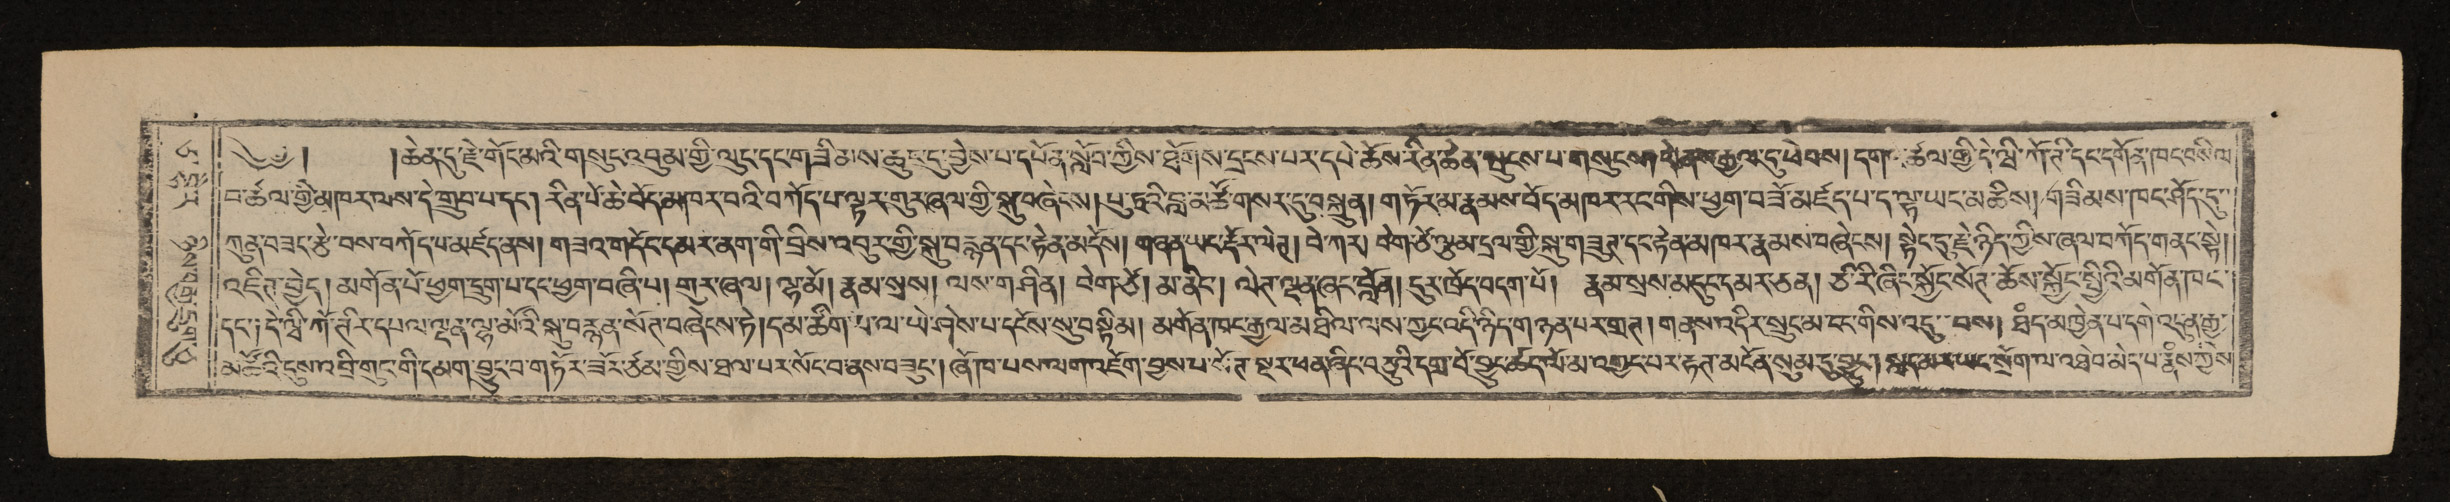༄༅། །ཆེན་དུ་རྗེ་གོང་མའི་གསུང་འབུམ་གྱི་ལུང་དང་གཟིམས་ཆུང་དུ་བྱེས་པ་དཔོན་སློབ་ཀྱིས་ཐོགས་དྲངས་པར་དཔེ་ཆོས་རིན་ཆེན་སྤུངས་པ་གསུངས། དེ་ནས་རྒྱལ་དུ་ཕེབས། དགའ་ཚལ་གྱི་དེ་ཝི་ཀོ་ཊེ་དང་མགོན་ཁང་བསིལ་བ་ཚལ་
གྱི་མཁར་ལས་དེ་གྲུབ་པ་དང་། རིན་པོ་ཆེ་བོང་མཁར་བའི་བཀོད་པ་ལྟར་གུར་ཞལ་གྱི་སྐུ་བཞེངས། པུ་ཏྲའི་བླ་མ་ཚོགས་ར་དུ་བསྐྲུན། གཏོར་མ་རྣམས་བོད་མཁར་རང་གིས་ཕྱག་བཟོ་མཛད་པ་ད་ལྟ་ཡང་མཆིས། གཟིམས་ཁང་ཤོད་དུ་ཀུན་བཟང་རྩེ་བས་
བཀོད་བ་མཛད་ནས། གཟའ་གདོང་དམར་ནག་གི་བྲིས་འབུར་གྱི་སྐུ་བརྙན་དང་རྟེན་མངོས། གཞན་ཡང་རྡོར་ལེགས། བེ་ཀར། བེག་ཙེ་ལྕམ་དྲལ་གྱི་སྐུ་གཟུགས་དང་རྟེན་མཁར་རྣམས་བཞེངས། སྟེང་དུ་རྗེ་ཉིད་ཀྱིས་ཞལ་བཀོད་གནང་སྟེ། འཇིགས་
བྱེད༑ མགོན་པོ་ཕྱག་དྲུག་པ་དང་། ཕྱག་བཞི་པ། གུར་ཞལ། ལྷ་མོ། རྣམ་སྲས། ལས་གཤིན། བེག་ཙེ། མ་ནིང་། ལེགས་ལྡན་ཞང་བློན། དུར་ཁྲོད་བདག་པོ། རྣམ་སྲས་མདུང་དམར་ཅན། ཙ་རི་ཞིང་སྐྱོང་སོགས་ཆོས་སྐྱོང་སྤྱིའི་མགོན་ཁང་དང་།
དེ་ཝི་ཀོ་ཊིར་དཔལ་ལྡན་ལྷ་མོའི་སྐུ་བརྙན་སོགས་བཞེངས་ཏེ། དམ་ཚིག་པ་ལ་ཡེ་ཤེས་པ་དངོས་སུ་བསྟིམ། མགོན་ཁང་རྒྱལ་མཐིལ་ལས་ཀྱང་འདི་ཉིད་གཉན་པར་གྲགས། གནས་འདིར་སྲུང་མ་ངང་གིས་འདུ་བས། ཐམས་ཅད་མཁྱེན་པ་དགེ་འདུན་རྒྱ་མཚོའི་
དུས་འདྲི་གུང་གི་དམག་བྱུང་བ་གཏོར་ཟོར་ཙམ་གྱིས་ཐལ་བར་སོང་བ་ནས་བཟུང་། ཞོ་ཁ་པས་ལག་འཇོག་བྱས་པ་སོགས་སྔར་ཕན་ཞིང་བཅུའི་དགྲ་བོ་བྱུང་ཚད་ལོ་མ་འགྱང་པར་རྟགས་མངོན་སུམ་དུ་བྱུང་། སླད་མར་ཡང་སྲོག་ལ་འཐེབ་མེད་པ་རྣམས་ཀྱིས་